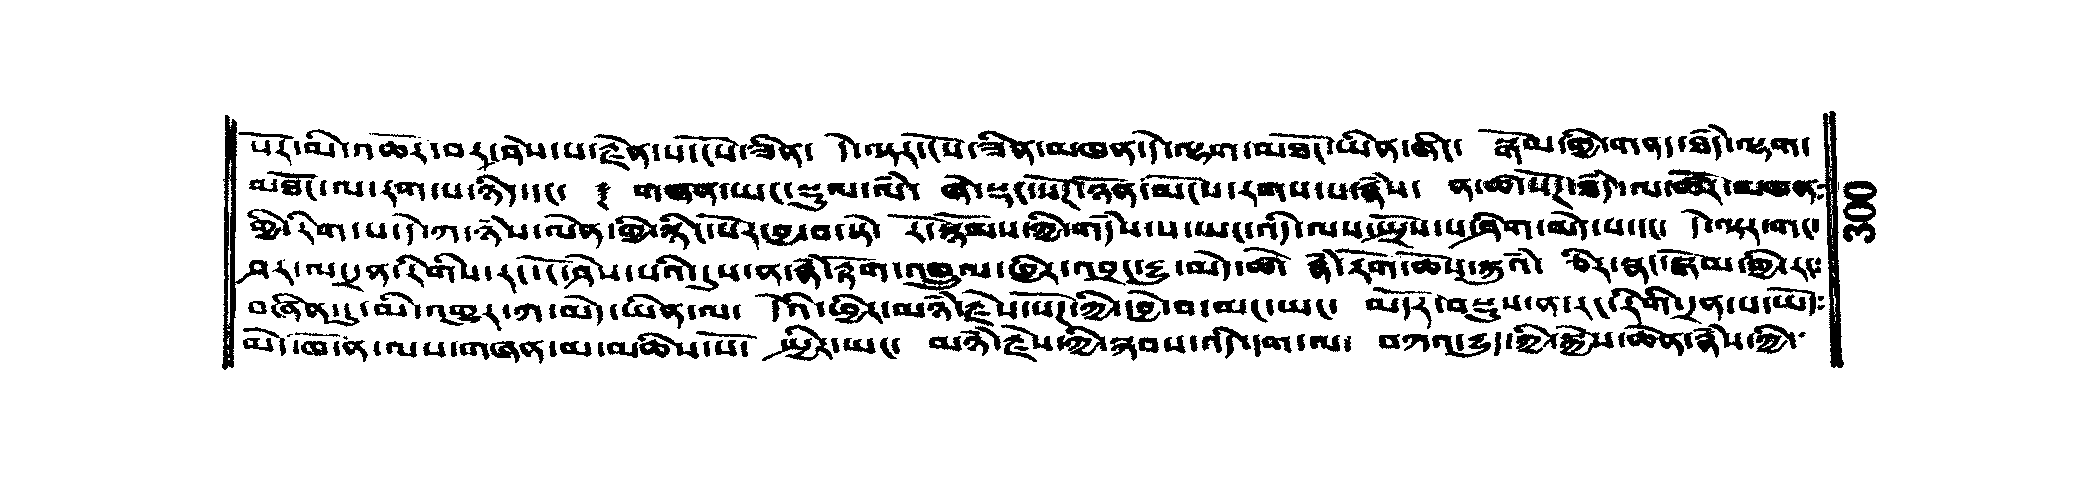པོར་མི་འཆོར་བར་ཤེས་པ་རྗེན་པ་ངོས་ཟིན། དེ་ལྟར་ངོས་ཟིན་མཁན་དེ་ལྷག་མཐོང་ཡིན་ཞིང་། སྒོམ་གྱི་གནད་ཐམས་ཅད་ལྷག་
མཐོང་ལ་རག་པ་ཉིད་དང་། གཞན་ཡང་སྡུག་བསྔལ་ལམ་ཞེ་སྡང་སོགས་ཉོན་མོངས་རགས་པ་རྣམས། ན་ཚ་སོགས་ཐམས་ཆད་ལ་ཚོར་མཁན་
གྱི་རིག་པ་དེ་ཀ་ཉམས་ལེན་གྱི་སྙིང་པོར་བྱ་བ་སྟེ། རོ་སྙོམས་ཀྱི་གདམས་པ་ཡང་འདི་ལས་སྤྲོས་པ་ཤིག་མེད་པ་དང་། དེ་ལྟར་གང་
ཤར་ལ་དྲན་རིག་གིས་རང་ངོ་ཤེས་པའི་དུས་ན་རྣམ་རྟོག་འཁྲུལ་ཕྱིར་འབྲང་རྒྱུ་མེད་ཚེ། རྣམ་རྟོག་ཆོས་སྐུའམ། ཅིར་སྣང་སྒོམ་གྱི་རང་
བཞིན་དུ་མི་འགྱུར་ཀ་མེད་ཡིན་ལ། དེའི་ཕྱིར་མཉམ་རྗེས་སོགས་ཀྱི་དབྱེ་བ་མང་ཡང་། མདོར་བསྡུས་ན་རང་རིག་གི་དྲན་པ་ཡོད་
མེད་ཁོ་ན་ལས་གཞན་མ་མཆིས་སོ། སྤྱིར་ཡང་། མཉམ་རྗེས་ཀྱི་སྐབས་འདི་དག་ལ། བཀའ་རྒྱུད་ཀྱི་སྐྱེས་ཆེན་རྣམས་ཀྱི་